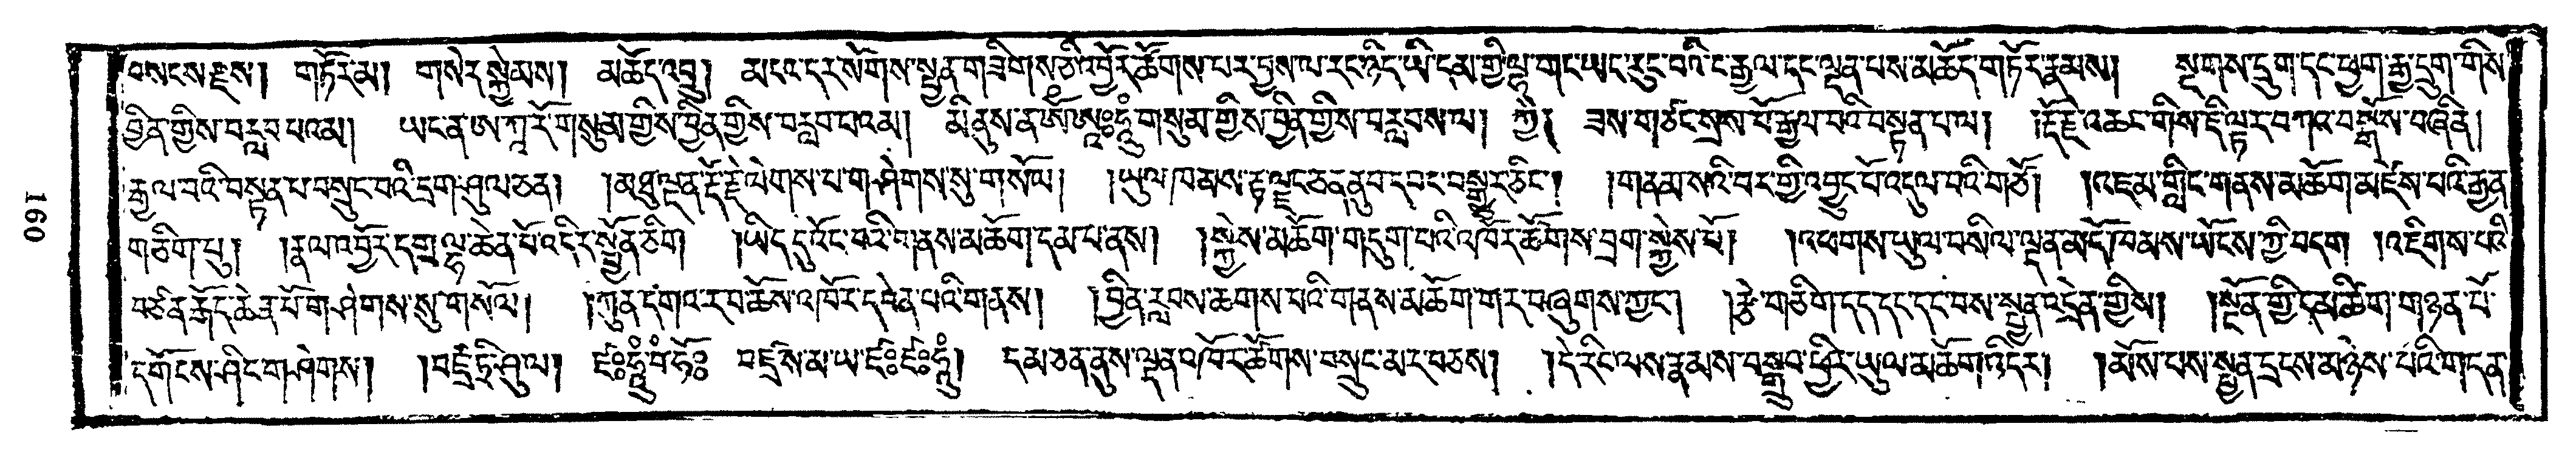བསངས་རྫས། གཏོར་མ། གསེར་སྐྱེམས། མཆོད་འབྲུ། མངའ་དར་སོགས་སྤྱན་གཟིགས་ཅི་འབྱོར་ཚོགས་པར་བྱས་ལ་རང་ཉིད་ཡི་དམ་གྱི་ལྷ་གང་ཡང་རུང་བའི་ང་རྒྱལ་དང་ལྡན་པས་མཆོད་གཏོར་རྣམས། སྔགས་དྲུག་དང་ཕྱག་རྒྱ་དྲུག་གིས་
བྱིན་གྱིས་བརླབ་པའམ། ཡང་ན་ཨ་ཀཱ་རོ་གསུམ་གྱིས་བྱིན་གྱིས་བརླབ་པའམ། མི་ནུས་ན་ཨོཾ་ཨཱཿ ཧཱུཾ་གསུམ་གྱིས་བྱིན་གྱིས་བརླབས་ལ། ཀྱཻ༑ ཟས་གཙང་སྲས་པོ་རྒྱལ་བའི་བསྟན་པ་ལ། །རྡོ་རྗེ་འཆང་གིས་ཇི་ལྟར་བཀའ་བསྒོས་བཞིན།
རྒྱལ་བའི་བསྟན་པ་བསྲུང་བའི་དྲག་ཤུལ་ཅན། །མཐུ་ལྡན་རྡོ་རྗེ་ལེགས་པ་གཤེགས་སུ་གསོལ། །ཡུལ་ཁམས་རྟ་ལྗང་ཅན་ནུབ་དབང་བསྒྱུར་ཅིང་། །གནམ་སའི་བར་གྱི་འབྱུང་པོ་འདུལ་བའི་གཙོ། །འཇམ་གླིང་གནས་མཆོག་མཛེས་པའི་རྒྱན་
གཅིག་པུ། །རྣལ་འབྱོར་དགྲ་ལྷ་ཆེན་པོ་འདིར་སྤྱོན་ཅིག །ཡིད་དུའོང་བའི་གནས་མཆོག་དམ་པ་ནས། །སྐྱེས་མཆོག་གདུག་པའི་འཁོར་ཚོགས་བྲག་སྐྱེས་པོ། །འཕགས་ཡུལ་བསིལ་ལྡན་མདོ་ཁམས་ཡོངས་ཀྱི་བདག །འཇིགས་པའི་
བཙན་རྒོད་ཆེན་པོ་གཤེགས་སུ་གསོལ། །ཀུན་དགའ་ར་བ་ཆོས་འཁོར་དབེན་པའི་གནས། །བྱིན་རླབས་ཆགས་པའི་གནས་མཆོག་གར་བཞུགས་ཀྱང་། །རྩེ་གཅིག་དད་དང་དང་བས་སྤྱན་འདྲེན་གྱིས། །སྔོན་གྱི་དམ་ཚིག་གཉན་པོ་
དགོངས་ཤིང་གཤེགས། །བཛྲ་ཏྲི་ཤུ་ལ། ཛཿཧཱུཾ་བཾ་ཧོཿ བཛྲ་ས་མ་ཡ་ཛཿཛཿཧཱུཾ། དམ་ཅན་ནུས་ལྡན་འཁོར་ཚོགས་བསྲུང་མར་བཅས། །དེ་རིང་ལས་རྣམས་བསྒྲུབ་ཕྱིར་ཡུལ་མཆོག་འདིར། །མོས་པས་སྤྱན་དྲངས་མཉེས་པའི་གདན་